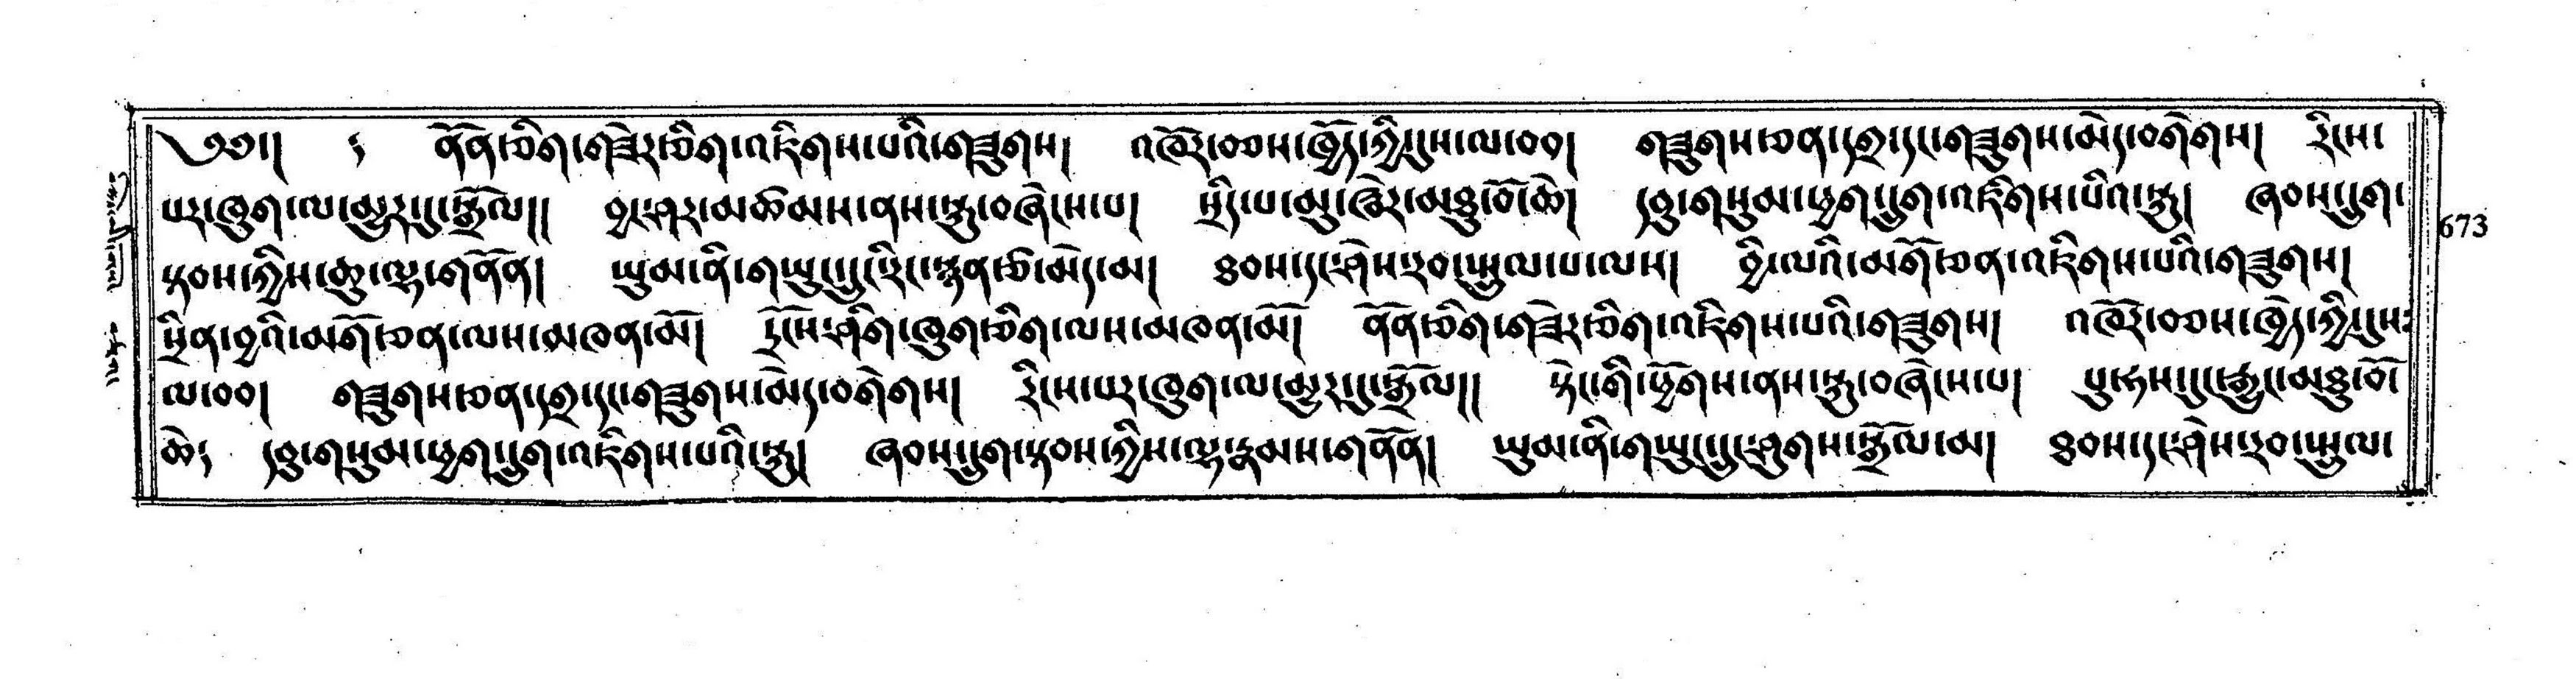ནོན་ཅིག་གཟེར་ཅིག་འཇིགས་པའི་གཟུགས། འཁོར་བཅས་ཁྱོད་ཀྱི་དུས་ལ་བབ། གཟུགས་ཅན་དགྲ་དང་གཟུགས་མེད་བགེགས། རིངས་
པར་ཁུག་ལ་མྱུར་དུ་སྒྲོལ།། བྱང་ཤར་མཚམས་ནས་སྐུ་བཞེངས་པ། སྲིད་པ་མུ་ཝེར་མཐུ་བོ་ཆེ། དབུ་གསུམ་ཕྱག་དྲུག་འཇིགས་པའི་སྐུ། ཞབས་དྲུག་
སྟབས་ཀྱིས་ཆུ་ལྷ་གནོན། ཡུམ་ནི་གཡུང་དྲུང་རིང་སྙན་ཙ་མེད་མ། ཐབས་དང་ཤེས་རབ་སྤྲུལ་པ་ལས། བྱི་ལའི་མགོ་ཅན་འཇིགས་པའི་གཟུགས། 
སྲིན་བྱའི་མགོ་ཅན་ལས་མཁན་མོ། དྲོངས་ཤིག་ཁུག་ཅིག་ལས་མཁན་མོ། ནོན་ཅིག་གཟེར་ཅིག་འཇིགས་པའི་གཟུགས། འཁོར་བཅས་ཁྱེད་ཀྱི་དུས་
ལ་བབ། གཟུགས་ཅན་དགྲ་དང་གཟུགས་མེད་བགེགས། རིངས་པར་ཁུག་ལ་མྱུར་དུ་སྒྲོལ།། སྟེང་གི་ཕྱོགས་ནས་སྐུ་བཞེངས་པ། པུ་ཧས་དུང་རྒྱུང་མཐུ་བོ་
ཆེ། དབུ་གསུམ་ཕྱག་དྲུག་འཇིགས་པའི་སྐུ། ཞབས་དྲུག་སྟབས་ཀྱིས་ལྷ་རྣམས་གནོན། ཡུམ་ནི་གཡུང་དྲུང་ཤུགས་སྒྲོལ་མ། ཐབས་དང་ཤེས་རབ་སྤྲུལ་